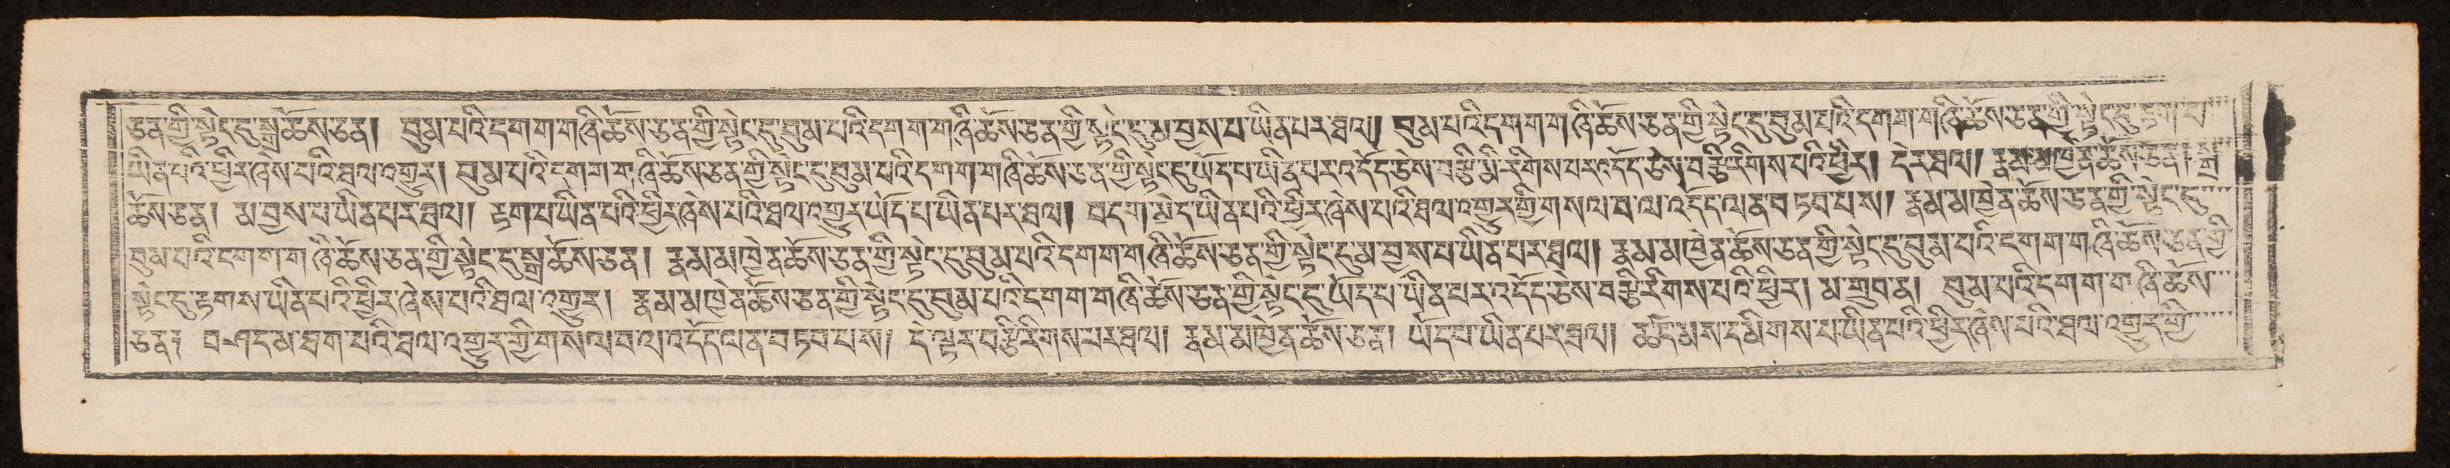ཅན་གྱི་སྟེང་དུ་སྒྲ་ཆོས་ཅན། བུམ་པའི་དགག་གཞི་ཆོས་ཅན་གྱི་སྟེང་དུ་བུམ་པའི་དགག་གཞི་ཆོས་ཅན་གྱི་སྟེང་དུ་མ་བྱས་པ་ཡིན་པར་ཐལ། བུམ་པའི་དགག་གཞི་ཆོས་ཅན་གྱི་སྟེང་དུ་བུམ་པའི་དགག་གཞི་ཆོས་ཅན་གྱི་སྟེང་དུ་རྟག་པ་
ཡིན་པའི་ཕྱིར་ཞེས་པའི་ཐལ་འགྱུར། བུམ་པའི་དགག་གཞི་ཆོས་ཅན་གྱི་སྟེང་དུ་བུམ་པའི་དགག་གཞི་ཆོས་ཅན་གྱི་སྟེང་དུ་ཡོད་པ་ཡིན་པར་འདོད་ཅེས་བརྩི་མི་རིགས་པར་འདོད་ཅེས་བརྩི་རིགས་པའི་ཕྱིར། དེར་ཐལ། རྣམ་མཁྱེན་ཆོས་ཅན། སྒྲ་
ཆོས་ཅན། མ་བྱས་པ་ཡིན་པར་ཐལ། རྟག་པ་ཡིན་པའི་ཕྱིར་ཞེས་པའི་ཐལ་འགྱུར་ཡོད་པ་ཡིན་པར་ཐལ། བདག་མེད་ཡིན་པའི་ཕྱིར་ཞེས་པའི་ཐལ་འགྱུར་གྱི་གསལ་བ་ལ་འདོད་ལན་བཏབ་པས། རྣམ་མཁྱེན་ཆོས་ཅན་གྱི་སྟེང་དུ་
བུམ་པའི་དགག་གཞི་ཆོས་ཅན་གྱི་སྟེང་དུ་སྒྲ་ཆོས་ཅན། རྣམ་མཁྱེན་ཆོས་ཅན་གྱི་སྟེང་དུ་བུམ་པའི་དགག་གཞི་ཆོས་ཅན་གྱི་སྟེང་དུ་མ་བྱས་པ་ཡིན་པར་ཐལ། རྣམ་མཁྱེན་ཆོས་ཅན་གྱི་སྟེང་དུ་བུམ་པའི་དགག་གཞི་ཆོས་ཅན་གྱི་
སྟེང་དུ་རྟག་པ་ཡིན་པའི་ཕྱིར་ཞེས་པའི་ཐལ་འགྱུར། རྣམ་མཁྱེན་ཆོས་ཅན་གྱི་སྟེང་དུ་བུམ་པའི་དགག་གཞི་ཆོས་ཅན་གྱི་སྟེང་དུ་ཡོད་པ་ཡིན་པར་འདོད་ཅེས་བརྩི་རིགས་པའི་ཕྱིར། མ་གྲུབ་ན། བུམ་པའི་དགག་གཞི་ཆོས་
ཅན། བཤད་མ་ཐག་པའི་ཐལ་འགྱུར་གྱི་གསལ་བ་ལ་འདོད་ལན་བཏབ་པས། དེ་ལྟར་བརྩི་རིགས་པར་ཐལ། རྣམ་མཁྱེན་ཆོས་ཅན། ཡོད་པ་ཡིན་པར་ཐལ། ཚད་མས་དམིགས་པ་ཡིན་པའི་ཕྱིར་ཞེས་པའི་ཕྱིར་ཞེས་པའི་ཐལ་འགྱུར་གྱིཏད་